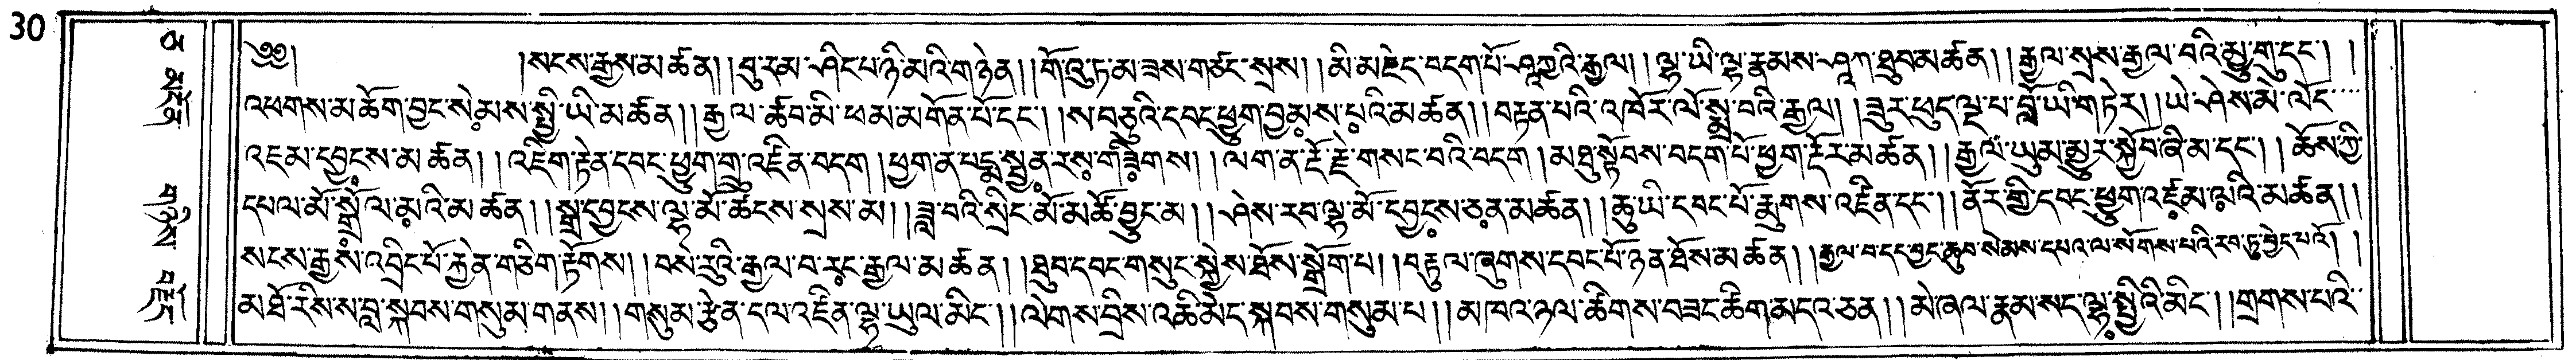༄༅། །སངས་རྒྱས་མཚན། །བུ་རམ་ཤིང་པ་ཉི་མའི་གཉེན། །གོ་འུ་ཏ་མ་ཟས་གཙང་སྲས། །མི་མཇེས་བདག་པོ་ཤཱཀྱའི་རྒྱལ། །ལྷ་ཡི་ལྷ་རྣམས་ཤཱཀ་ཐུབ་མཚན། །རྒྱལ་སྲས་རྒྱལ་བའི་མྱུ་གུ་དང་། །
འཕགས་མཆོག་བྱང་སེམས྾་སྤྱི་ཡི་མཚན། །རྒྱལ་ཚབ་མི་ཕམ་མགོན་པོ་དང་། །ས་བཅུའི་དབང་ཕྱུག་བྱམས྾་པའི྾་མཚན། །བརྟན་པའི་འཁོར་ལོ་སྨྲ་བའི་རྒྱལ། །ཟུར་ཕུད་ལྔ་པ་བློ་ཡི་གཏེར། །ཡེ་ཤེས་མེ་ལོང་
འཇམ་དབྱངས྾་མཚན། །འཇིག་རྟེན་དབང་ཕྱུག་གྲུ་འཛིན་བདག །ཕྱག་ན་པདམ་སྦྱན྾་རས྾་གཟིགས྾། །ལག་ན་རྡོ་རྗེ་གསང་བའི་བདག །མཐུ་སྟོབས་བདག་པོ་ཕྱག་རྡོར་མཚན། །རྒྱལ་ཡུམ་མྱུར་སྐྱོབ་ཞི་མ་དང་། །ཆོས་ཀྱི་
དཔལ་མོ་སྒྲོལ་མའི྾་མཚན། །སྒྲ་དབྱངས་ལྷ་མོ་ཚངས་སྲས་མ། །ཟླ་བའི་སྲིང་མོ་མཚོ་བྱུང་མ། །ཤེས་རབ་ལྷ་མོ་དབྱངས྾་ཅན྾་མཚན། །ཆུ་ཡི་དབང་པོ་རྨུགས་འཛིན་དང་། །ནོར་གྱི་དབང་ཕྱུག་འཛམ྾་ལའི྾་མཚན། །
སངས་རྒྱསཾ་འབྲིང་པོ་རྐྱེན་གཅིག་རྟོགས། །བསེ་རུའི་རྒྱལ་བ་རང྾་རྒྱལ་མཚན། །ཐུབ་དབང་གསུང་སྐྱེས་ཐོས་སྒྲོག་པ། །བརྟུལ་ཞུགས་དབང་པོ་ཉན་ཐོས་མཚན། །རྒྱལ་བ་དང་བྱང་ཆུབ་སེམས་དཔའ་ལ་སོགས་པའི་རབ་ཏུ་བྱེད་པའོ། །
མཐོ་རིས་ས་བླ་སྐབས་གསུམ་གནས། །གསུམ་རྩེན་དལ་འཛིན་ལྷ་ཡུལ་མིང་། །ལེགས་བྲིས་འཆི་མེད་སྐབས་གསུམ་པ། །མཁའ་ཉལ་ཚིགས་བཟང་ཚིག་མདའ་ཅན། །མེ་ཞལ་རྣམ་སད་ལྷ་སྤྱིའི་མིང་། །གྲགས་པའི་